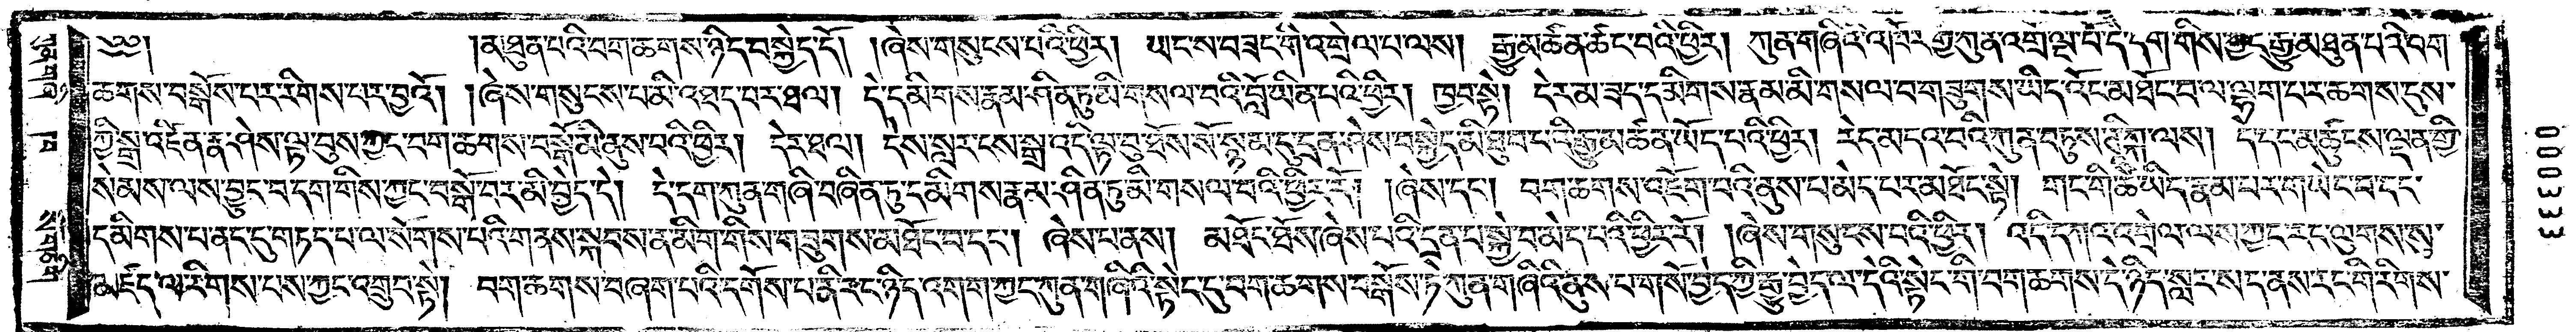༄༅། །མཐུན་པའི་བག་ཆགས་ཉིད་བསྐྱེད་དོ། །ཞེས་གསུངས་པའི་ཕྱིར། ཡང་ས་བཟང་གི་འགྲེལ་པ་ལས། རྒྱུ་མཚན་ཚང་བའི་ཕྱིར། ཀུན་གཞིའི་འཁོར་གྱི་ཀུན་འགྲོ་ལྔ་པོ་དེ་དག་གིས་ཀྱང་རྒྱུ་མཐུན་པའི་བག་
ཆགས་བསྒོས་པར་རིགས་པར་བྱའོ། །ཞེས་གསུངས་པ་མི་འཐད་པར་ཐལ། དེ་དམིགས་རྣམ་ཤིན་ཏུ་མི་གསལ་བའི་བློ་ཡིན་པའི་ཕྱིར། ཁྱབ་སྟེ། དེར་མ་ཟད་དམིགས་རྣམ་མི་གསལ་བ་གཟུགས་ཡིད་འོང་མཐོང་བ་ལ་ལྷག་པར་ཆགས་དུས་
ཀྱི་སྒྲ་འཛིན་རྣ་ཤེས་ལྟ་བུས་ཀྱང་བག་ཆགས་བསྒོ་མི་ནུས་པའི་ཕྱིར། དེར་ཐལ། དེས་སླར་ང་སྒྲ་འདི་ལྟ་བུ་ཐོས་སོ་སྙམ་དུ་དྲན་ཤེས་བསྐྱེད་མི་ཐུབ་པའི་རྒྱུ་མཚན་ཡོད་པའི་ཕྱིར། རེད་མདའ་བའི་ཀུན་བཏུས་ཊཱིཀྐ་ལས། དེ་དང་མཚུངས་ལྡན་གྱི་
སེམས་ལས་བྱུང་བ་དག་གིས་ཀྱང་བསྒོ་བར་མི་བྱེད་དེ། དེ་དག་ཀུན་གཞི་བཞིན་ཏུ་དམིགས་རྣམ་ཤིན་ཏུ་མི་གསལ་བའི་ཕྱིར་རོ། །ཞེས་དང་། བག་ཆགས་འཇོག་པའི་ནུས་པ་མེད་པར་མཐོང་སྟེ། གང་གི་ཚེ་ཡིད་རྣམ་པར་གཡེང་བ་དང་
དམིགས་པ་ནང་དུ་གཏད་པ་ལ་སོགས་པའི་གནས་སྐབས་ན་མིག་གིས་གཟུགས་མཐོང་བ་དང་། ཞེས་པ་ནས། མཐོང་ཐོས་ཞེས་པའི་དྲན་པ་སྐྱེ་བ་མེད་པའི་ཕྱིར་རོ། །ཞེས་གསུངས་པའི་ཕྱིར། འདི་དཀའ་འགྲེལ་ལས་ཀྱང་རང་ལུགས་སུ་
མཛད་ལ་རིགས་པས་ཀྱང་འགྲུབ་སྟེ། བག་ཆགས་བཞག་པའི་དགོས་པ་ནི་རང་ཉིད་འགག་ཀྱང་ཀུན་གཞིའི་སྟེང་དུ་བག་ཆགས་བསྒོས་ཏེ་ཀུན་གཞིའི་ནུས་པ་གསོ་བྱེད་ཀྱི་རྒྱུ་བྱེད་ལ་དེའི་སྟེང་གི་བག་ཆགས་དེ་ཉིད་སླར་སད་ནས་རང་གི་རིགས་